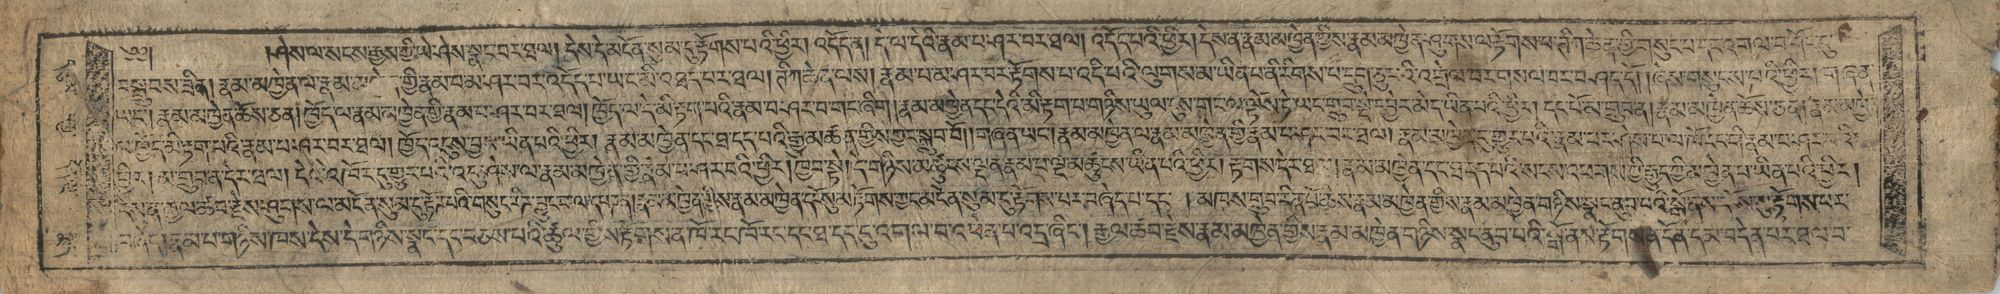༄༅། །ཤེས་ལ་སངས་རྒྱས་ཀྱི་ཡེ་ཤེས་སྣང་བར་ཐལ། དེས་དེ་མངོན་སུམ་དུ་རྟོགས་པའི་ཕྱིར། འདོད་ན། དེ་ལ་དེའི་རྣམ་པ་ཤར་བར་ཐལ། འདོད་པའི་ཕྱིར། དེས་ན་རྣམ་མཁྱེན་གྱིས་རྣམ་མཁྱེན་ཤུགས་ལ་རྟོགས་པ་ཊིཀ་ཆེན་གྱི་གསུང་པ་དང་འགལ་བ་གོང་དུ་
བསྒྲུབས་ཟིན། རྣམ་མཁྱེན་ལ་རྣམ་མཁྱེན་གྱི་རྣམ་པ་མ་ཤར་བར་འདོད་པ་ཡང་མི་འཐད་པར་ཐལ། ཊིཀ་ཆེན་ལས། རྣམ་པ་མ་ཤར་པར་རྟོགས་པ་འདི་པའི་ལུགས་མ་ཡིན་པ་ནི་རིགས་པ་དྲུག་ཅུ་པའི་འགྲེལ་བར་གསལ་བར་བཤད་དོ། །ཞེས་གསུངས་པའི་ཕྱིར། གཞན་
ཡང་། རྣམ་མཁྱེན་ཆོས་ཅན། ཁྱོད་ལ་རྣམ་མཁྱེན་གྱི་རྣམ་པ་ཤར་བར་ཐལ། ཁྱོད་ལ་དེ་མི་རྟག་པའི་རྣམ་བ་ཤར་བ་གང་ཞིག །རྣམ་མཁྱེན་དང་དེའི་མི་རྟག་པ་གཉིས་ཡུལ་དུས་གང་ལ་ལྟོས་ཏེ་ཡང་གྲུབ་སྡེ་དབྱེར་མེད་ཡིན་པའི་ཕྱིར། དང་པོ་མ་གྲུབ་ན། རྣམ་མཁྱེན་ཆོས་ཅན། རྣམ་མཁྱེན་
ལ་ཁྱོད་མི་རྟག་པའི་རྣམ་པ་ཤར་བར་ཐལ། ཁྱོད་འདུས་བྱས་ཡིན་པའི་ཕྱིར། རྣམ་མཁྱེན་དང་ཐ་དད་པའི་རྒྱུ་མཚན་གྱིས་ཀྱང་སྒྲུབ་བོ། །གཞན་ཡང་། རྣམ་མཁྱེན་ལ་རྣམ་མཁྱེན་གྱི་རྣམ་པ་ཤར་བར་ཐལ། རྣམ་མཁྱེན་དུ་གྱུར་པའི་རྣམ་པར་ཤེས་པ་ལ་ཁོ་རང་གི་རྣམ་པ་ཤར་བའི་
ཕྱིར། མ་གྲུབ་ན་དེར་ཐལ། དེའི་འཁོར་དུ་གྱུར་བའི་འདུ་ཤེས་ལ་རྣམ་མཁྱེན་གྱི་རྣམ་པ་ཤར་བའི་ཕྱིར། ཁྱབ་སྟེ། དེ་གཉིས་མཚུངས་ལྡན་རྣམ་པ་ལྔ་མཚུངས་ཡིན་པའི་ཕྱིར། རྟགས་དེར་ཐལ། རྣམ་མཁྱེན་དང་ཐ་དད་པའི་སངས་འཕགས་ཀྱི་རྒྱུད་ཀྱི་མཁྱེན་པ་ཡིན་པའི་ཕྱིར།
དེས་ན་རྒྱལ་ཚབ་རྗེས་ཤུགས་ལ་མངོན་སུམ་དུ་རྟོགས་པའི་གསུང་རིགས་བྱུང་བ་ལ་དཔགས་ན། རྣམ་མཁྱེན་གྱིས་རྣམ་མཁྱེན་དངོས་སུ་མ་རྟོགས་ཀྱང་མངོན་སུམ་དུ་རྟོགས་པར་བཞེད་པ་དང་། །མཁས་གྲུབ་རིན་པོ་ཆེས་རྣམ་མཁྱེན་གྱིས་རྣམ་མཁྱེན་གཉིས་སྣང་ནུབ་པའི་སྒོ་ནས་དངོས་སུ་རྟོགས་པར་
བཞེད། རྣམ་པ་གཉིས་ཁས་དེས་དེ་གཉིས་སྣང་དང་བཅས་པའི་ཚུལ་གྱིས་རྟོགས་ན་ཁོ་རང་ཁོ་རང་དང་ཐ་དད་དུ་འགལ་བ་འཕེན་པ་འདྲ་ཞིང་། རྒྱལ་ཚབ་རྗེས་རྣམ་མཁྱེན་གྱིས་རྣམ་མཁྱེན་གཉིས་སྣང་ནུབ་པའི་སྒོ་ནས་རྟོགས་ན་དོན་དམ་བདེན་པར་ཐལ་བ་